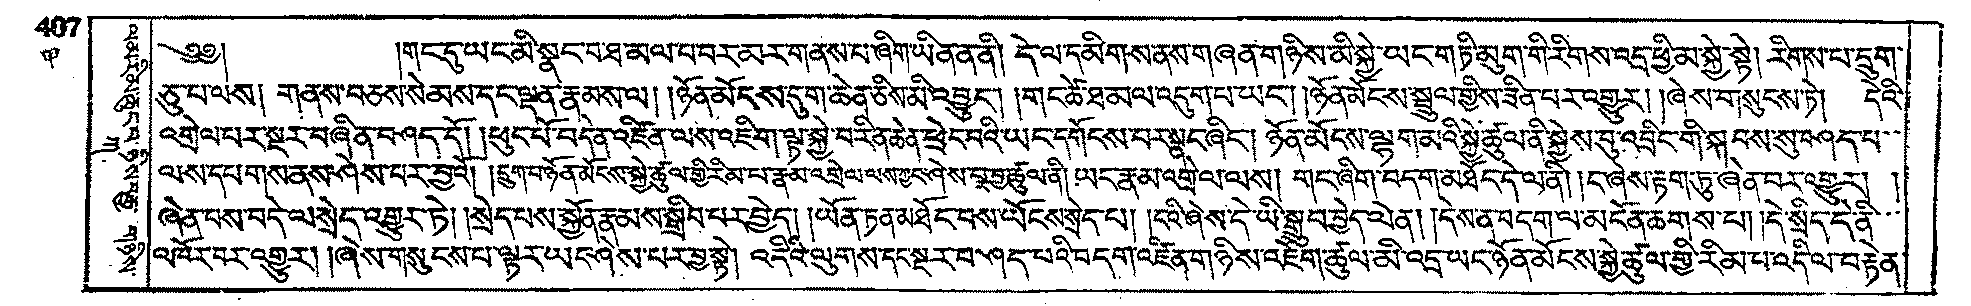༄༅། །གང་དུ་ཡང་མི་སྣང་བ་ཐ་མལ་པ་བར་མར་གནས་པ་ཞིག་ཡིན་ན་ནི། དེ་ལ་དམིགས་ནས་གཞན་གཉིས་མི་སྐྱེ་ཡང་གཏི་མུག་གི་རིགས་འདྲ་ཕྱི་མ་སྐྱེ་སྟེ། རིགས་པ་དྲུག་
ཅུ་པ་ལས། གནས་བཅས་སེམས་དང་ལྡན་རྣམས་ལ། །ཉོན་མོངས་དུག་ཆེན་ཅིས་མི་འབྱུང་། །གང་ཚེ་ཐ་མལ་འདུག་པ་ཡང་། །ཉོན་མོངས་སྦྲུལ་གྱིས་ཟིན་པར་འགྱུར། །ཞེས་གསུངས་ཏེ། དེའི་
འགྲེལ་པར་སྔར་བཞིན་བཤད་དོ། །ཕུང་པོ་བདེན་འཛིན་ལས་འཇིག་ལྟ་སྐྱེ་བ་རིན་ཆེན་ཕྲེང་བའི་ཡང་དགོངས་པར་སྣང་ཞིང་། ཉོན་མོངས་ལྷག་མའི་སྐྱེ་ཚུལ་ནི་སྐྱེས་བུ་འབྲིང་གི་སྐབས་སུ་བཤད་པ་
ལས་དཔགས་ནས་ཤེས་པར་བྱའོ། །དྲུག་པ་ཉོན་མོངས་སྐྱེ་ཚུལ་གྱི་རིམ་པ་རྣམ་འགྲེལ་ལས་ཀྱང་ཤེས་པར་བྱ་ཚུལ་ནི།  ཡང་རྣམ་འགྲེལ་ལས། གང་ཞིག་བདག་མཐོང་དེ་ལ་ནི། །ང་ཞེས་རྟག་ཏུ་ཞེན་པར་འགྱུར། །
ཞེན་པས་བདེ་ལ་སྲེད་འགྱུར་ཏེ། །སྲེད་པས་སྐྱོན་རྣམས་སྒྲིབ་པར་བྱེད། །ཡོན་ཏན་མཐོང་བས་ཡོངས་སྲེད་པ། །ངའི་ཞེས་དེ་ཡི་སྒྲུབ་བྱེད་ལེན། །དེས་ན་བདག་ལ་མངོན་ཆགས་པ། །དེ་སྲིད་དེ་ནི་
འཁོར་བར་འགྱུར། །ཞེས་གསུངས་པ་ལྟར་ཡང་ཤེས་པར་བྱ་སྟེ། འདིའི་ལུགས་དང་སྔར་བཤད་པའི་བདག་འཛིན་གཉིས་འཇོག་ཚུལ་མི་འདྲ་ཡང་ཉོན་མོངས་སྐྱེ་ཚུལ་གྱི་རིམ་པ་འདི་ལ་བརྟེན་